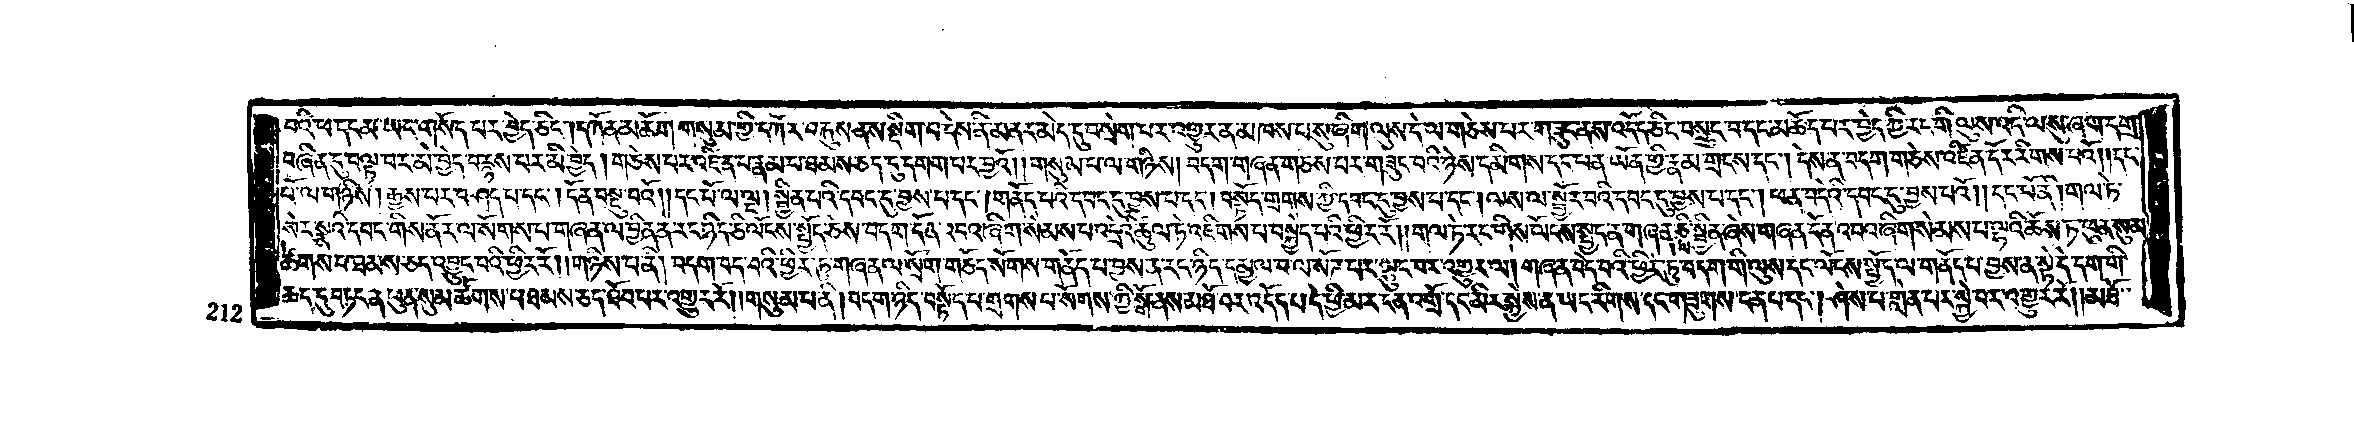པའི་ཕ་དང་མ་ཡང་གསོད་པར་བྱེད་ཅིང་། དཀོན་མཆོག་གསུམ་གྱི་དཀོར་བ་རྐུས་ནས་སྡིག་པ་དེས་ནི་མནར་མེད་དུ་བསྲེག་པར་འགྱུར་ན་མཁས་པ་སུ་ཞིག་ལུས་དེ་ལ་གཅེས་པར་གཟུང་ནས་འདོད་ཅིང་བསྲུང་བ་དང་མཆོད་པར་བྱེད་ཀྱི་རང་གི་ལུས་འདི་ལ་སུ་ཞག་དགྲ་
བཞིན་དུ་བལྟ་བར་མི་བྱེད་བརྙས་པར་མི་བྱེད། གཅེས་པར་འཛིན་པ་རྣམ་པ་ཐམས་ཅད་དུ་དགག་པར་བྱའོ། །གསུམ་པ་ལ་གཉིས། བདག་གཞན་གཅེས་པར་གཟུང་བའི་ཉེས་དམིགས་དང་ཕན་ཡོན་གྱི་རྣམ་གྲངས་དང་། དེས་ན་བདག་གཅེས་འཛིན་དོར་རིགས་པའོ། །དང་
པོ་ལ་གཉིས། རྒྱུས་པར་བཤད་པ་དང་། དོན་བསྡུ་བའོ། །དང་པོ་ལ་ལྔ། སྦྱིན་པའི་དབང་དུ་བྱས་པ་དང་། གནོད་པའི་དབང་དུ་བྱས་པ་དང་། བསྟོད་གྲགས་ཀྱི་དབང་དུ་བྱས་པ་དང་། ལས་ལ་སྦྱོར་བའི་དབང་དུ་བྱས་པ་དང་། ཕན་བདེའི་དབང་དུ་བྱས་པའོ། །དང་པོ་ནི། གལ་ཏེ་
སེར་སྣའི་དབང་གིས་ནོར་ལ་སོགས་པ་གཞན་ལ་བྱིན་ན་རང་ཉིད་ཅི་ལོངས་སྤྱོད་ཅེས་བདག་དོན་འབའ་ཞིག་སེམས་པ་འདྲེའི་ཚུལ་ཏེ་འཇིགས་པ་བསྐྱེད་པའི་ཕྱིར་རོ། །གལ་ཏེ་རང་གིས་ལོངས་སྤྱད་ན་གཞན་ལ་ཅི་སྦྱིན་ཞེས་གཞན་དོན་འབའ་ཞིག་སེམས་པ་ལྷའི་ཆོས་ཏ་ཕུན་སུམ་
ཚོགས་པ་ཐམས་ཅད་འབྱུང་བའི་ཕྱིར་རོ། །གཉིས་པ་ནི། བདག་བདེ་བའི་ཕྱིར་ཏུ་གཞན་ལ་སྲོག་གཅོད་སོགས་གནོད་པ་བྱས་ན་རང་ཉིད་དམྱལ་བ་ལ་སོགས་པར་ལྷུང་བར་འགྱུར་ལ། གཞན་བདེ་བའི་ཕྱིར་ཏུ་བདག་གི་ལུས་དང་ལོངས་སྤྱོད་ལ་གནོད་པ་བྱས་ན་སྟེ་དེ་དག་གི་
ཆད་དུ་བཏང་ན་ཕུན་སུམ་ཚོགས་པ་ཐམས་ཅད་ཐོབ་པར་འགྱུར་རོ། བདག་ཉིད་བསྟོད་པ་གྲགས་པ་སོགས་ཀྱི་སྒོ་ནས་མཐོ་བར་འདོད་པ་དེ་ཕྱི་མར་ངན་འགྲོ་དང་མིར་སྐྱེས་ན་ཡང་རིགས་དང་གཟུགས་ངན་པ་དང་། ཤེས་པ་གླེན་པར་སྐྱེ་བར་འགྱུར་རོ། །མཐོ་